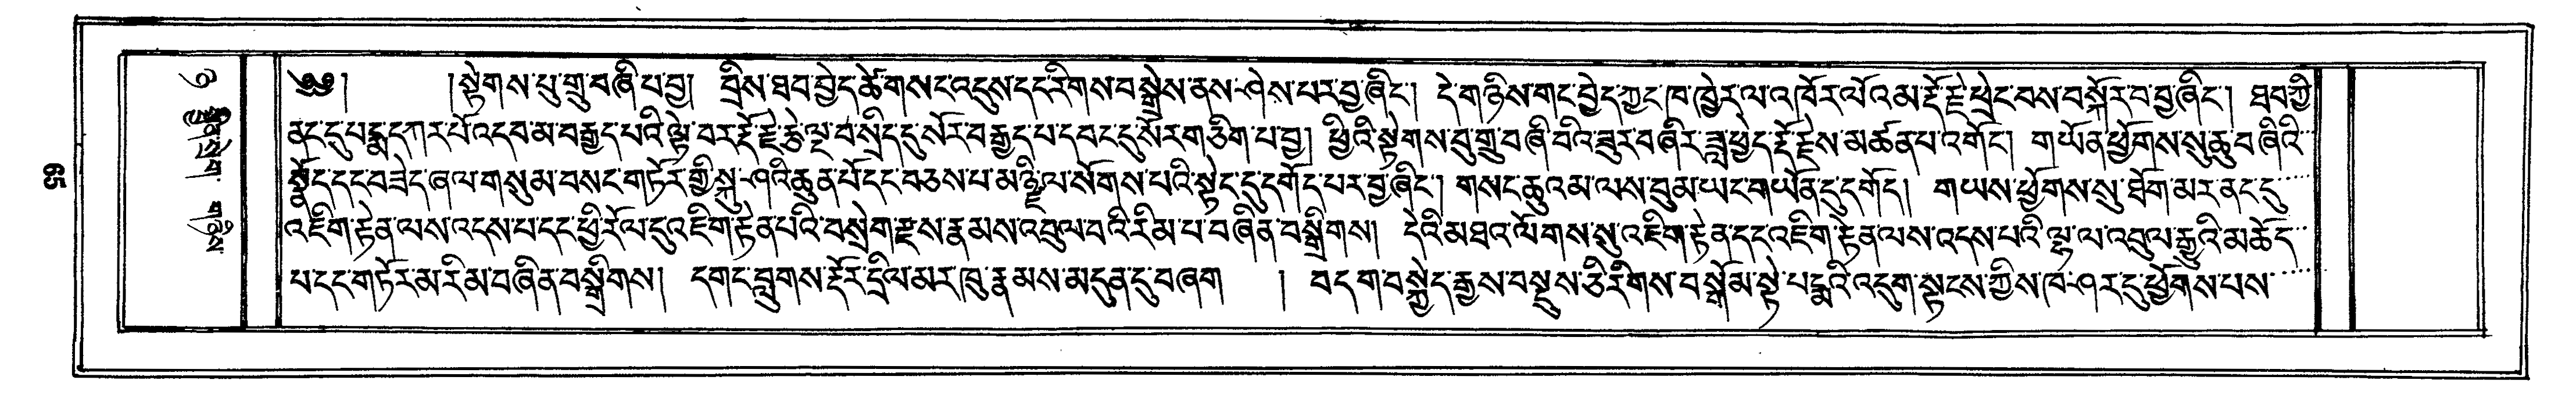༄༅། །སྟེགས་བུ་གྲུ་བཞི་པ་བྱ། བྲིས་ཐབ་བྱེད་ཚེ་གསང་འདུས་དང་རིགས་བསྒྲེས་ནས་ཤེས་པར་བྱ་ཞིང་། དེ་གཉིས་གང་བྱེད་ཀྱང་ཁ་ཁྱེར་ལ་འཁོར་ལོའམ་རྡོ་རྗེ་ཕྲེང་བས་བསྐོར་བ་བྱ་ཞིང་། ཐབ་ཀྱི་
ནང་དུ་པདམ་དཀར་པོ་འདབ་མ་བརྒྱད་པའི་ལྟེ་བར་རྡོ་རྗེ་རྩེ་ལྔ་པ་སྲིད་དུ་སོར་བརྒྱད་པ་དཔང་དུ་སོར་གཅིག་པ་བྱ། ཕྱིའི་སྟེགས་བུ་གྲུ་བཞི་པའི་ཟུར་བཞིར་ཟླ་ཕྱེད་རྡོ་རྗེས་མཚན་པ་འགོད། གཡོན་ཕྱོགས་སུ་ཆུ་བཞིའི་
སྣོད་དང་བཟེད་ཞལ་གསུམ་བསང་གཏོར་གྱི་སྐུ་ཤའི་ཆུན་པོ་དང་བཅས་པ་མཉི་ཛ་ལ་སོགས་པའི་སྟེང་དུ་དགོད་པར་བྱ་ཞིང་། བསང་ཆུའམ་ལས་བུམ་ཡང་གཡོན་དུ་དགོད། གཡས་ཕྱོགས་སུ་ཐོག་མར་ནང་དུ་
འཇིག་རྟེན་ལས་འདས་པ་དང་ཕྱི་རོལ་དུ་འཇིག་རྟེན་པའི་བསྲེག་རྫས་རྣམས་འབུལ་བའི་རིམ་པ་བཞིན་བསྒྲིགས། དེའི་མཐའ་ལོགས་སུ་འཇིག་རྟེན་དང་འཇིག་རྟེན་ལས་འདས་པའི་ལྷ་ལ་འབུལ་རྒྱུའི་མཆོད་
པ་དང་གཏོར་མ་རིམ་བཞིན་བསྒྲིགས། དགང་བླུགས་རྡོར་དྲིལ་མར་ཁུ་རྣམས་མདུན་དུ་བཞག །བདག་བསྐྱེད་རྒྱས་བསྡུས་ཅི་རིགས་བསྒོམ་སྟེ་པདམའི་འདུག་སྟངས་ཀྱིས་ཁ་ཤར་དུ་ཕྱོགས་པས་